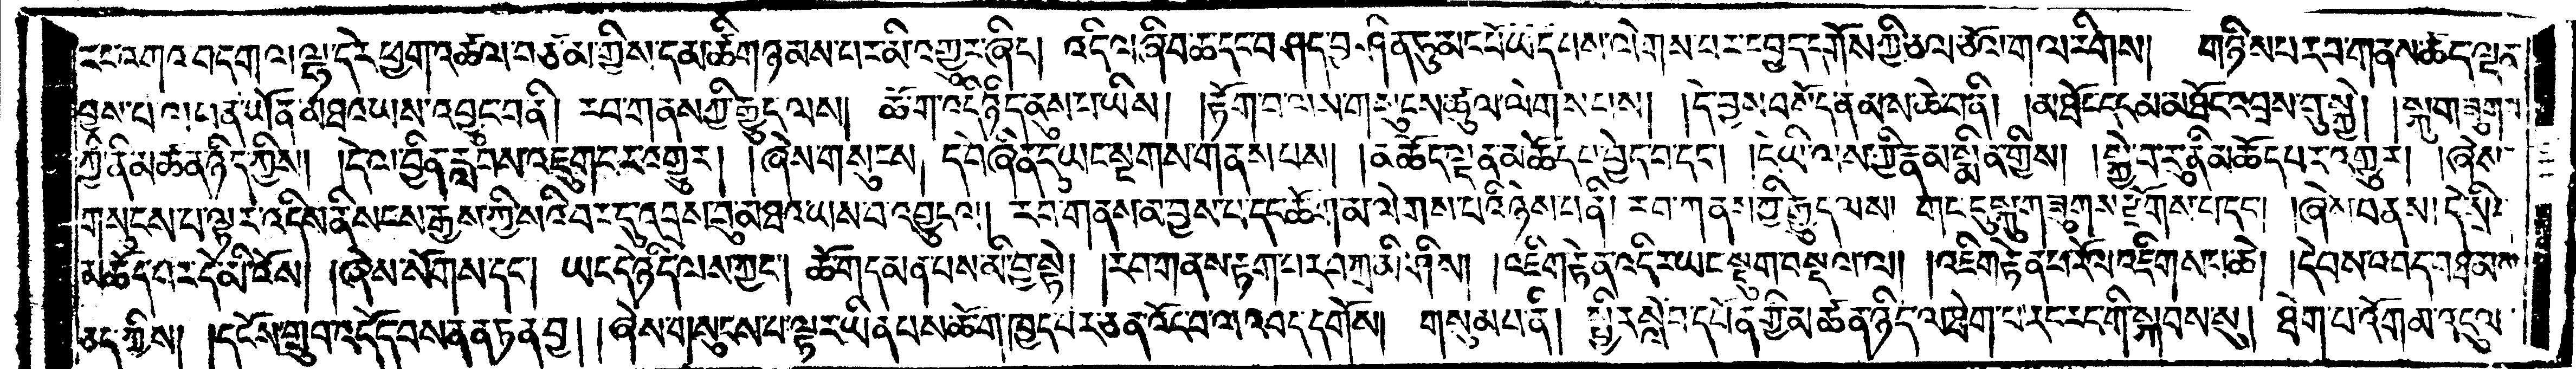རང་འགའ་བདག་ལ་ལྷ་དེར་ཕྱག་འཚལ་བཙམ་གྱིས་དམ་ཚིག་ཉམས་པར་མི་འགྱུར་ཞིང་། འདི་ལ་ཞིབ་ཆ་དང་བཤད་བྱ་ཤིན་ཏུ་མང་པོ་ཡོད་པས་ལེགས་པར་དབྱད་དགོས་ཀྱི་ཅལ་གལ་རིགས། གཉིས་པ་རབ་གནས་ཆོད་ལྡན་
བྱས་པལ་ཕན་ཡོན་མཐའ་ཡས་འབྱུང་བ་ནི། རབ་གནས་ཀྱི་རྒྱུད་ལས། ཆོ་ག་འདི་ཉིད་ནུས་པ་ཡིས། །རྟོག་པ་ལས་གསུངས་ཚུལ་ལེགས་པས། །དེ་བྱས་བསོད་ནམས་ཆེ་བ་ནི། །མཐོང་དང་མ་མཐོང་འབྲས་བུ་སྐྱེ། །སྐུ་གཟུགས་
ཀྱི་ནི་མཚན་ཉིད་ཀྱིས། །དེ་ལ་བྱིན་རླབས་འཇུ་གང་ར་འགྱུར། །ཞེས་གསུངས། །དེ་བཞིན་དུ་ཡང་སྔགས་གནས་པས། །མཆོད་ལྡན་མཆོད་པ་བྱེད་པ་དང་། །དེ་ཡི་ལས་ཀྱི་རྣམ་སྨིན་གྱིས། །སྐྱེ་བ་རུ་ནི་མཆོད་པར་འགྱུར། །ཞེས་
གསུངས་པ་ལྟར་འདིས་ནི་སངས་རྒྱས་ཀྱི་སའི་བར་དུ་འབྲས་བུ་མཐའ་ཡས་པ་འབྱུང་ལ། རབ་གནས་མ་བྱས་པ་དང་ཆོག་མ་ལེགས་པའི་ཉེས་པ་ནི། རབ་ཀ་ནས་ཀྱི་རྒྱུད་ལས། གང་དུ་སྐུ་གཟུགས་རྫོགས་དང་། །ཞེས་པ་ནས། དེ་སྲིད་
མཆོད་པར་དེ་མི་འོས། །ཞེས་སོགས་དང་། ཡང་དེ་ཉིད་ལས་ཀྱང་། ཆོད་དམན་པས་མི་བྱ་སྟེ། །རབ་གནས་རྟག་པ་བཀྲ་མི་ཤིས། །འཇིག་རྟེན་འདིར་ཡང་སྡུག་བསྔལ་ལ། །འཇིག་རྟེན་ཕ་རོལ་འཇིགས་པ་ཆེན། །དེབས་འབད་ཐམས་
ཅད་ཀྱིས། །དངོས་གྲུབ་འདོད་བསན་ནམ་ཏན་བྱ། །ཞེས་གསུངས་པ་ལྟར་ཡིན་པས་ཆོ་ག་ཁྱད་པར་ཅན་འོང་བ་ལ་འབད་དགོས། །གསུམ་པ་ནི། སྤྱིར་སློབ་དཔོན་གྱི་མཚན་ཉིད་ལ་ཐེག་པ་རང་རང་གི་སྐབས་སུ། ཐེག་པ་འོག་མ་འདུལ་